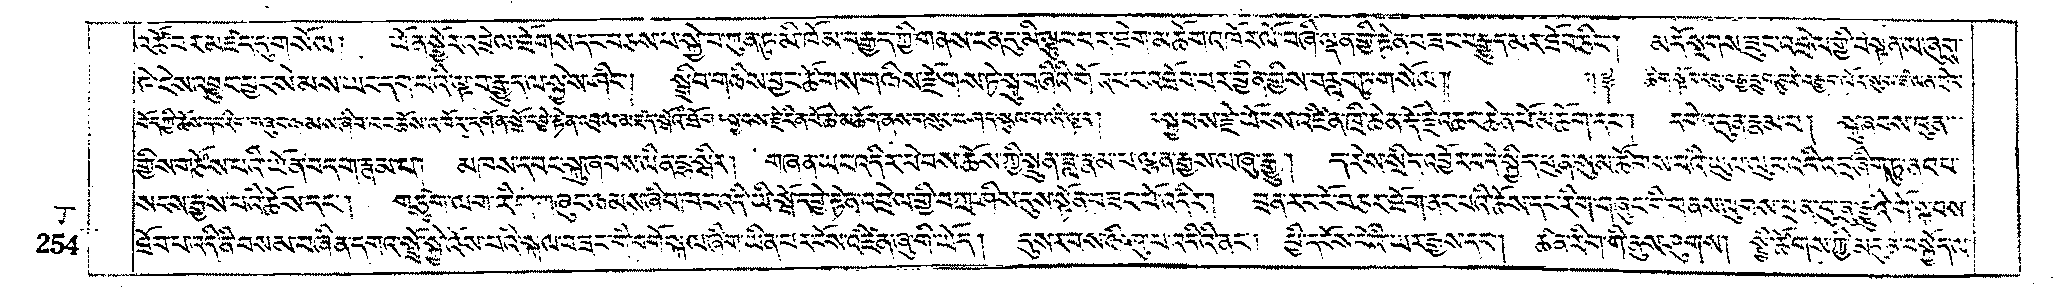འཚོ་བར་མཛད་དུ་གསོལ། ཡོན་སྦྱོར་འབྲེལ་ཐོགས་དང་བཅས་པ་སྐྱེ་བ་ཀུན་ཏུ་མི་ཁོམ་བརྒྱད་ཀྱི་གནས་ངན་དུ་མི་ལྟུང་བར་ཐེག་མཆོག་འཁོར་ལོ་བཞི་ལྡན་གྱི་རྟེན་བཟང་བརྒྱུད་མར་ཐོབ་ཅིང་། མདོ་སྔགས་ཟུང་འབྲེལ་གྱི་བསྟན་ལ་ཞུགས་
ཏེ་ངེས་འབྱུང་བྱང་སེམས་ཡང་དག་པའི་ལྟ་བ་རྒྱུད་ལ་སྐྱེས་ཤིང་། སྒྲིབ་གཉིས་བྱང་ཚོགས་གཉིས་རྫོགས་ཏེ་སྐུ་བཞིའི་གོ་འཕང་འཐོབ་པར་བྱིན་གྱིས་བརླབ་ཏུ་གསོལ།། །། འ་ཚིག་སྟོང་དགུ་བརྒྱ་དྲུག་ཅུ་རེ་བརྒྱད་ལོར་སུས་ཇི་ལན་ཀྲེར་
བོད་ཀྱི་ཆོས་དང་རིག་གཞུང་ཉམས་ཞིབ་ཁང་ཆོས་འཁོར་དགོན་སྒོ་དབྱེ་རྟེན་འབྲལ་མཛད་སྒོའི་ཐོག ༧སྐྱབས་རྗེ་རིན་པོ་ཆེ་མཆོག་ནས་གསུང་བཤད་སྩལ་བ་འདི་ལྟར། ༧སྐྱབས་རྗེ་ཡོངས་འཛིན་ཁྲི་ཆེན་རྡོ་རྗེ་འཆང་ཆེན་པོ་མཆོག་དང་། དགེ་འདུན་རྣམ་པ། སྐུ་ཞབས་ཁུན་་་
གྱིས་གཙོས་པའི་ཡོན་བདག་རྣམ་པ། མཁས་དབང་སྐུ་ཞབས་ལིན་དྷ་སྒིར། གཞན་ཡང་འདིར་ཕེབས་ཆོས་ཀྱི་སྤུན་ཟླ་རྣམ་པ་ལྷན་རྒྱས་ལ་ཞུ་རྒྱུ། ད་རེས་སྲིད་འབྱོར་བདེ་སྐྱིད་ཕུན་སུམ་ཚོགས་པའི་ཡུལ་ལུང་འདི་འདྲ་ཞིག་ཏུ་ནབ་པ་
སངས་རྒྱས་པའི་ཆོས་དང་། གཙུག་ལག་རིག་གཞུང་ཉམས་ཞིབ་ཁང་འདི་ཡི་སྒོ་དབྱེ་རྟེན་འབྲེལ་གྱི་བཀྲ་ཤིས་དུས་སྟོན་བཟང་པོ་འདིར། ཕྲན་རང་ངོ་བཅར་ཐོག་ནང་པའི་ཆོས་དང་རིག་གཞུང་གི་གནས་ལུགས་ཕྲན་བུ་ཞུ་རྒྱུའི་གོ་སྐབས་
ཐོབ་པ་འདི་ནི་བསམ་བཞིན་དགའ་སྤྲོ་སྐྱེ་འོས་པའི་སྐལ་བཟང་གི་བགོ་སྐལ་ཞིག་ཡིན་པར་ངོས་འཛིན་ཞུ་གི་ཡོད། དུས་རབས་ཉི་ཤུ་པ་འདིའི་ནང་། ཕྱི་དངོས་པོའི་ཡར་རྒྱས་དང་། ཚན་རིག་གི་ནུས་ཤུགས། སྤྱི་ཚོགས་ཀྱི་མདུན་བསྐྱོད་ལ་